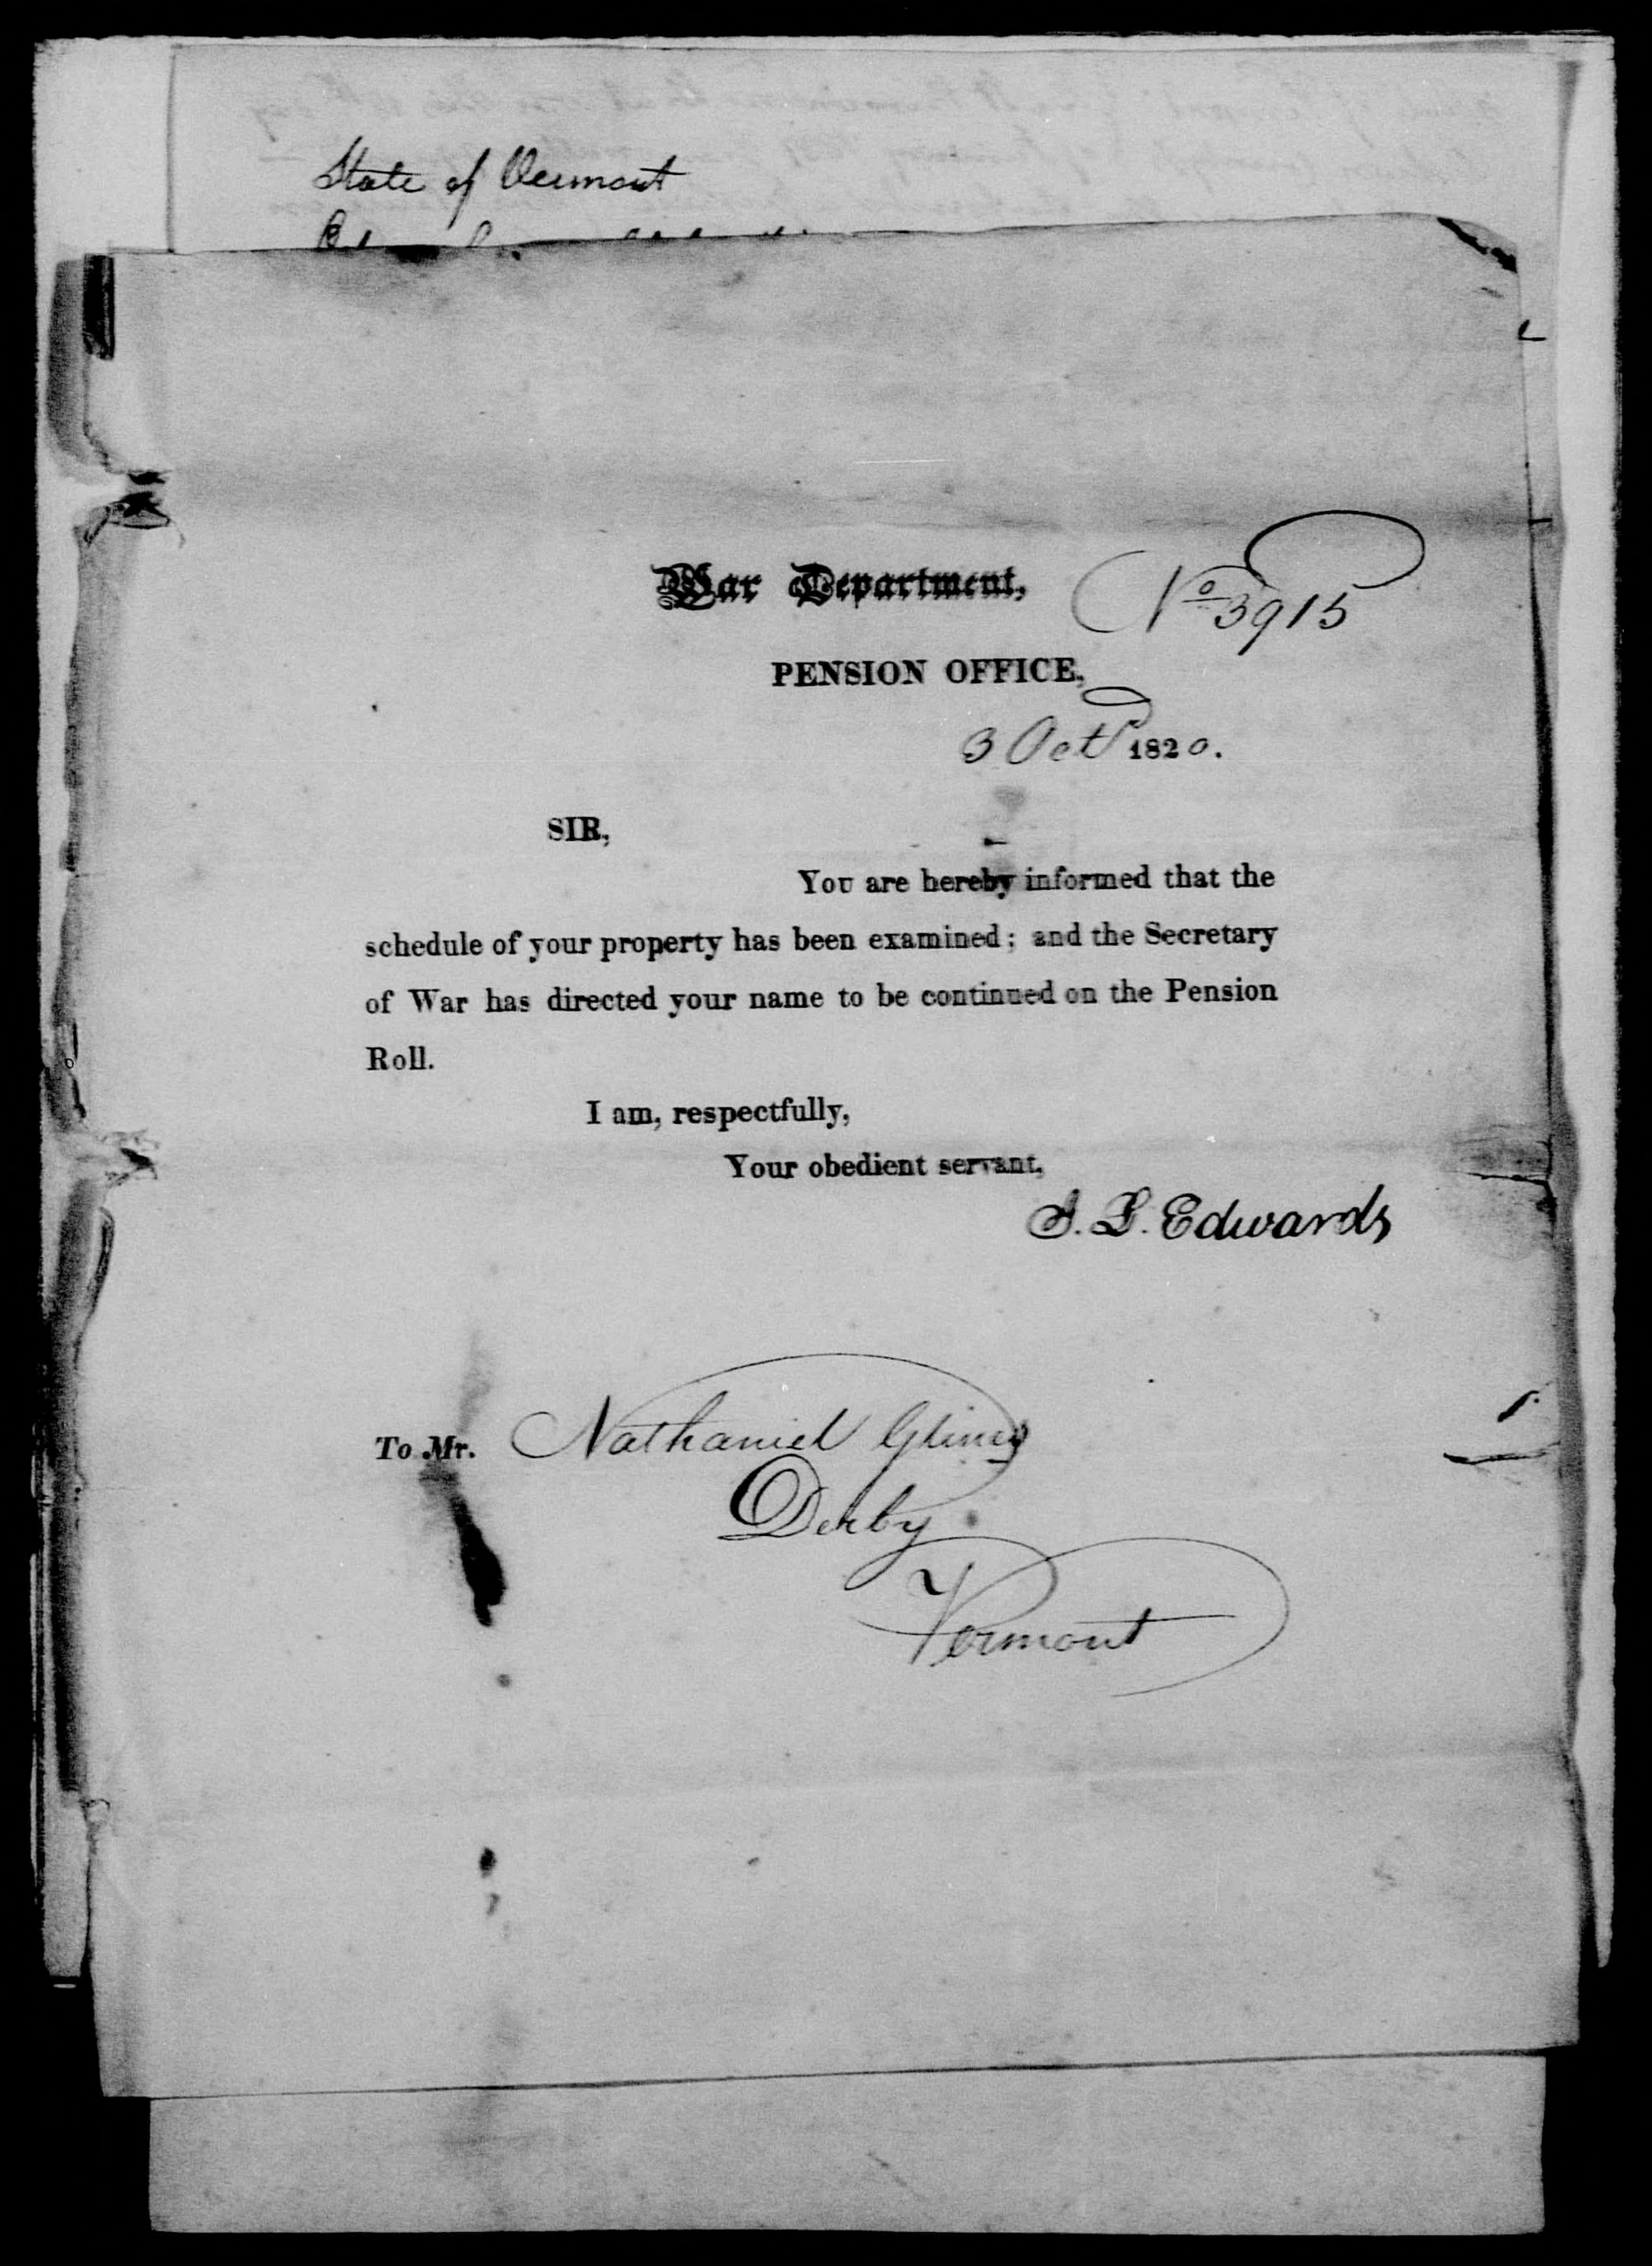State of Vermont [on a page lying under the current page being transcribed]

War Department,
PENSION OFFICE,

No 3915

3 Oct'r 1820.

SIR,

You are hereby informed that the schedule of your property has been examined; and the Secretary of War has directed your name to be continued on the Pension Roll.

I am, respectfully,
Your obedient servant,
J.L. Edwards

To Mr. Nathaniel Glines
Derby
Vermont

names: Nathaniel Glines, J L Edwards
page: 23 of 29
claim: widow's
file: W. 24,282, Nathaniel Glines, N.H.